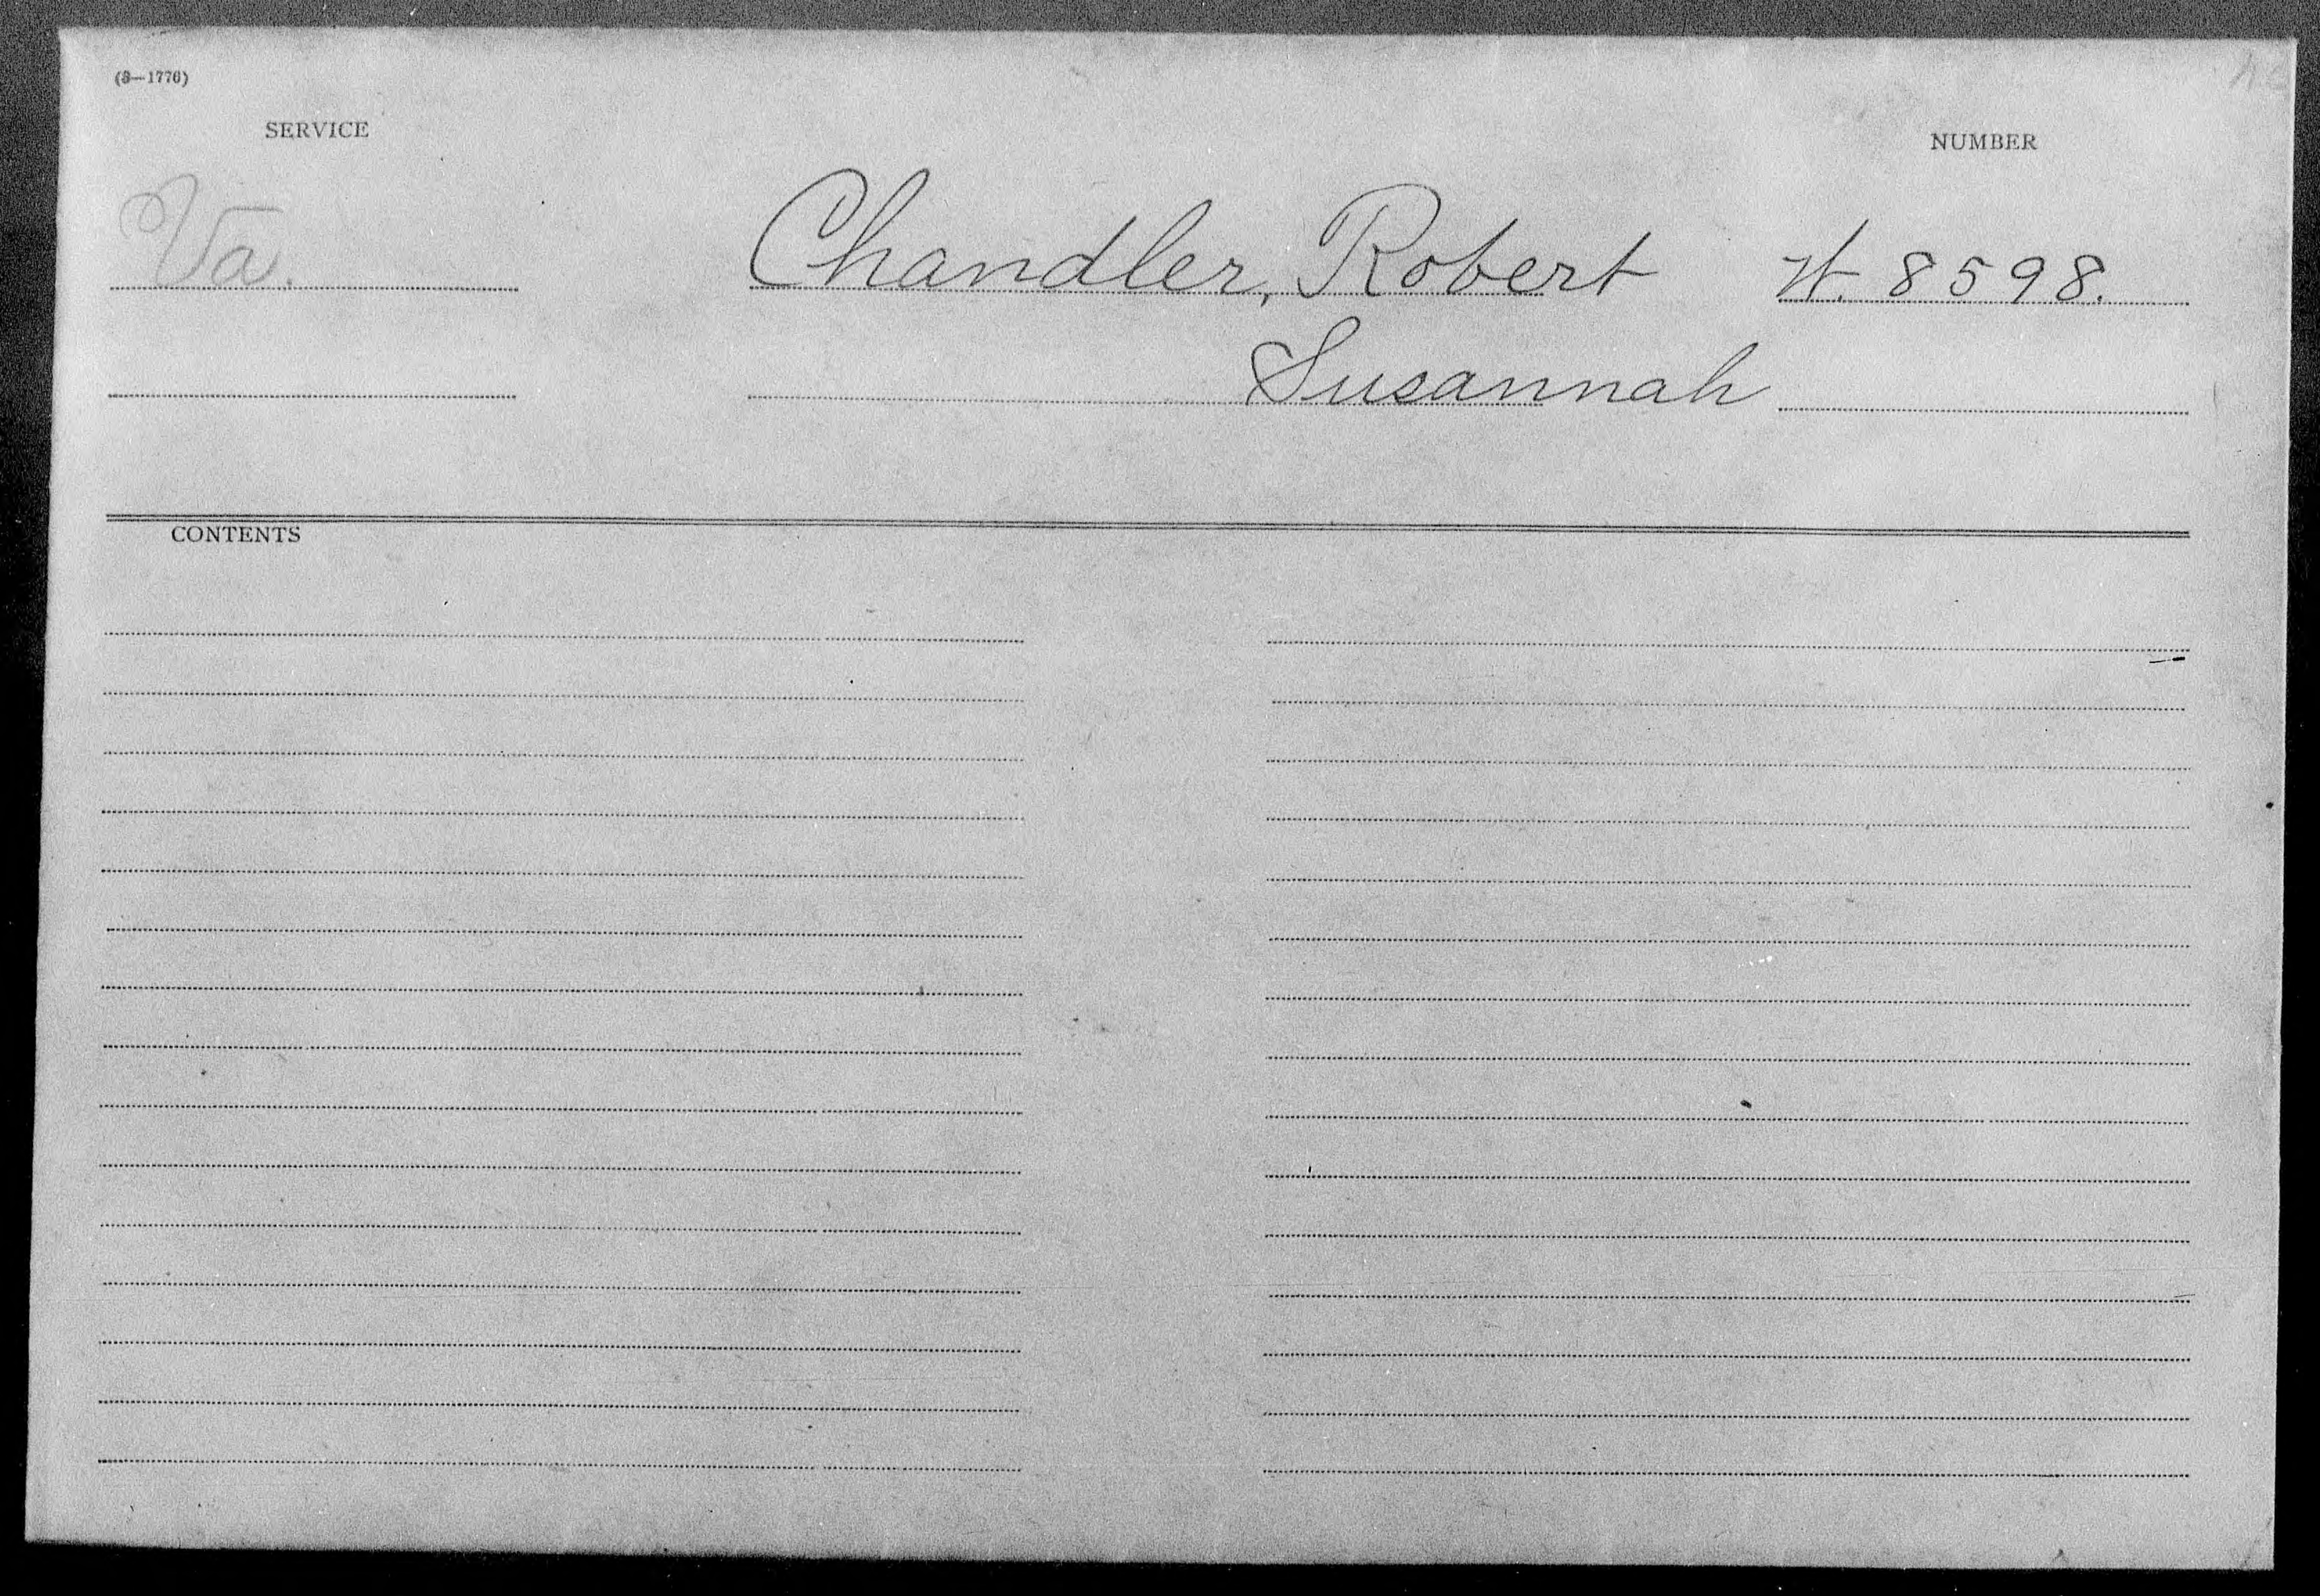SERVICE   Va.	                                                                  NUMBER  W.8598
	Chandler, Robert                       
             Susannah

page: 1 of 12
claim: widow's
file: W. 8598, Robert Chandler, Va.